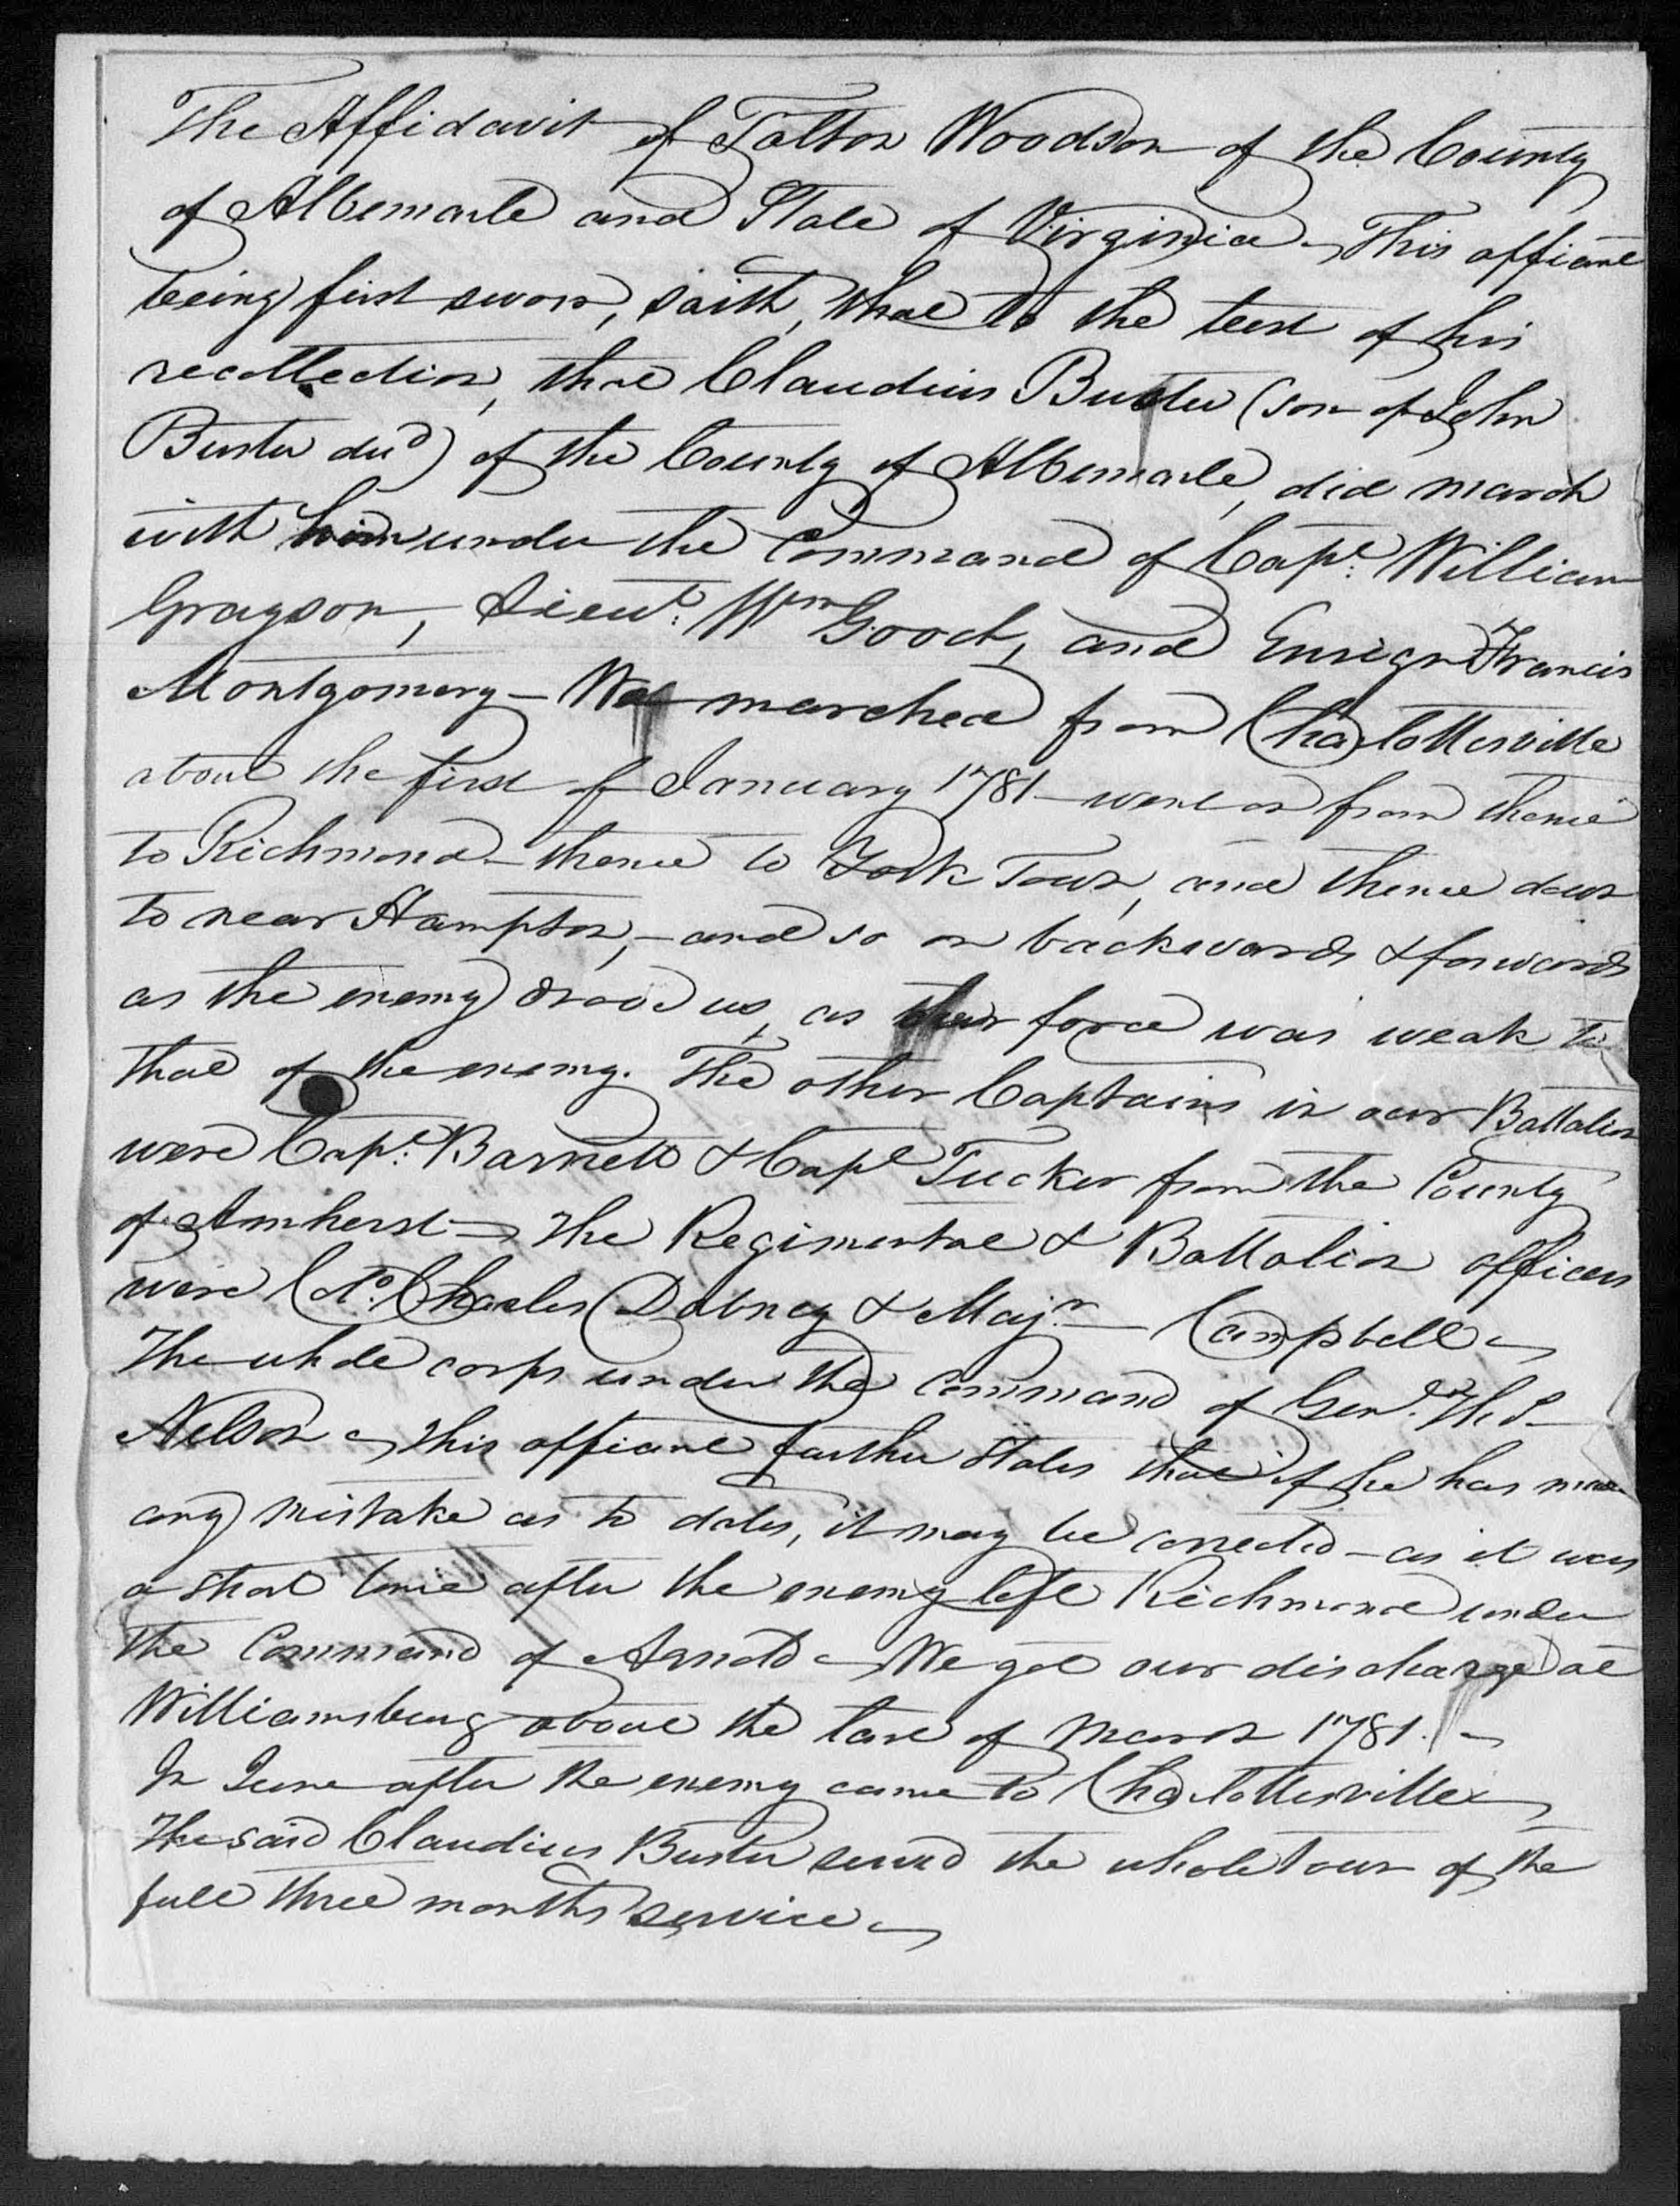The affidavit of Talton Woodson of the County of Albemarle and State of Virginia_ This affiant being first sworn, saith, that to the best of his recollection, that Claudius Buster (son of John Buster decd) of the County of Albemarle, did march with him under the command of Capt William Grayson, Lieut: Wm Gooch, and Ensign Francis Montgomery_ We marched from Charlottesville about the first of January 1781 - went on thence to Richmond - thence to York Town, and thence down to near Hampton, - and so on backwards & forward as the enemy drove us as their force was weak to that of the enemy. The other Captains in our Battalion were Capt Barnett & Capt Tucker from the County of Amherst = The Regimental & Battalion officers were Colo Charles Dabney & Maj:r Campbell~ The whole corps under the command of Genl W. P. Nelson~ This affiant further states that if he has made any mistake as to dates, if may be corrected - as it was a short time after the enemy left Richmond under the command of Arnold~ We got our discharge at Williamsburg about the last of March 1781~ In June after the enemy came to Charlottesville~ The said Claudius Buster served the whole tour of the full three months service~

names: Arnold, Claudius Buster, Francis Montgomery, John Buster, William Grayson, Claudius Buster, Charles Dabney, Wm Good, Talton Woodson, Barnett, Campbell, Thos Nelson, Tucker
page: 25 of 71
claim: widow's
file: W. 25310, Claudius Buster, Va.